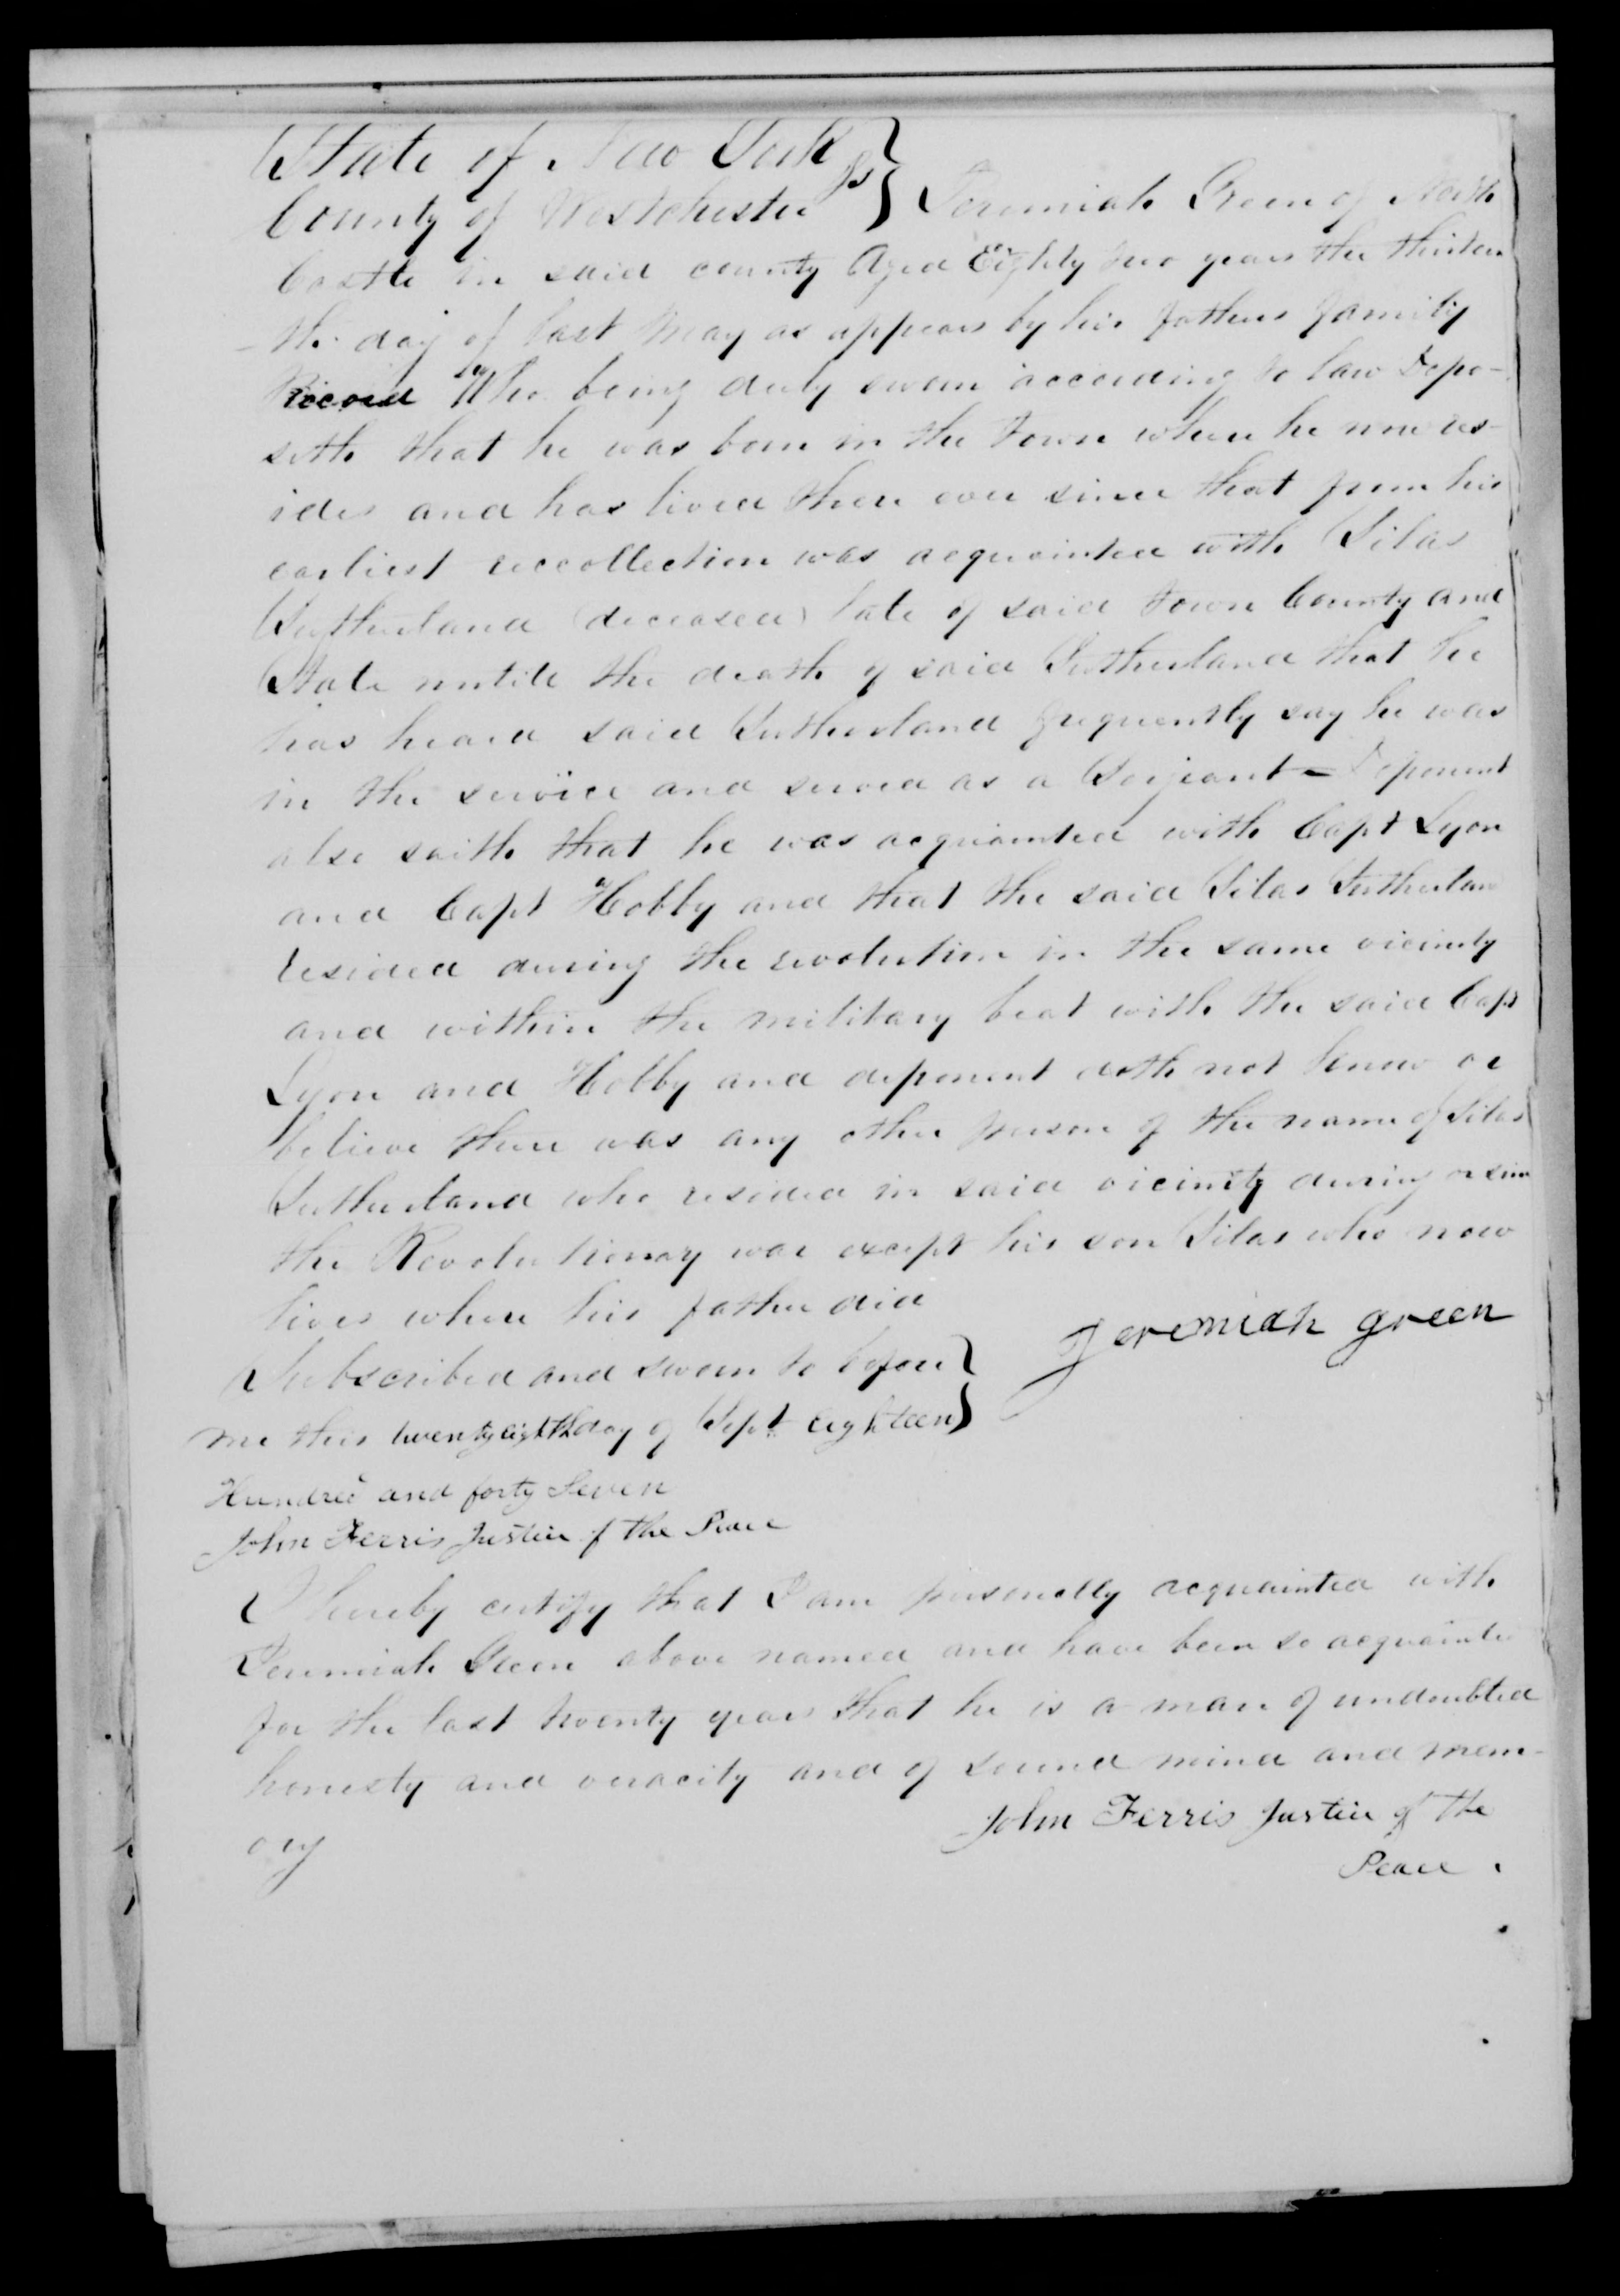State of New York
County of Westchester ss} 

Jeremiah Green of North Castle in said county aged Eighty Two years the thirteenth day of last May as appears by his father's family Record who being duly sworn according to law Deposith that he was born in the town where he now resides and has lived there ever since that from his earliest recollection was acquainted with Silas Sutherland (deceased) late of said town County and State untill the death of said Sutherland that he has heard said Sutherland frequently say he was in the service and served as a Sergeant.  

Deponent also saith that he was acquainted with Capt Lyon and Capt Hobby and that the said Silas Sutherland resided during the revolution in the same vicinity and within the military beat with the said Caps Lyon and Hobby and deponent doth not know or believe there was any other person of the name of Silas Sutherland who resided in said vicinity during or since the Revolutionary war except his son Silas who now lives where his father died.  

Jeremiah Green

Subscribed and sworn to before me this twenty eighth day of Sept Eighteen Hundred and forty seven

John Ferris Justice of the Peace

I hereby certify that I am personally acquainted with Jeremiah Green above named and have been so acquainted for the last twenty years that he is a man of undoubted honesty and veracity and of sound mind and memory.  

John Ferris Justice of the Peace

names: John Ferris; Silas Sutherland; Jeremiah Greeney; Silas Sutherland; [BLANK] Hobby; Silas Sutherland; John Ferris; Jeremiah Green; [BLANK] Sutherland; [BLANK] Hobby; Jeremiah Green; [BLANK] Lyon; [BLANK] Lyon; [BLANK] Sutherland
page: 13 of 77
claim: survivor's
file: S. 23003, for Silas Southerland, New York